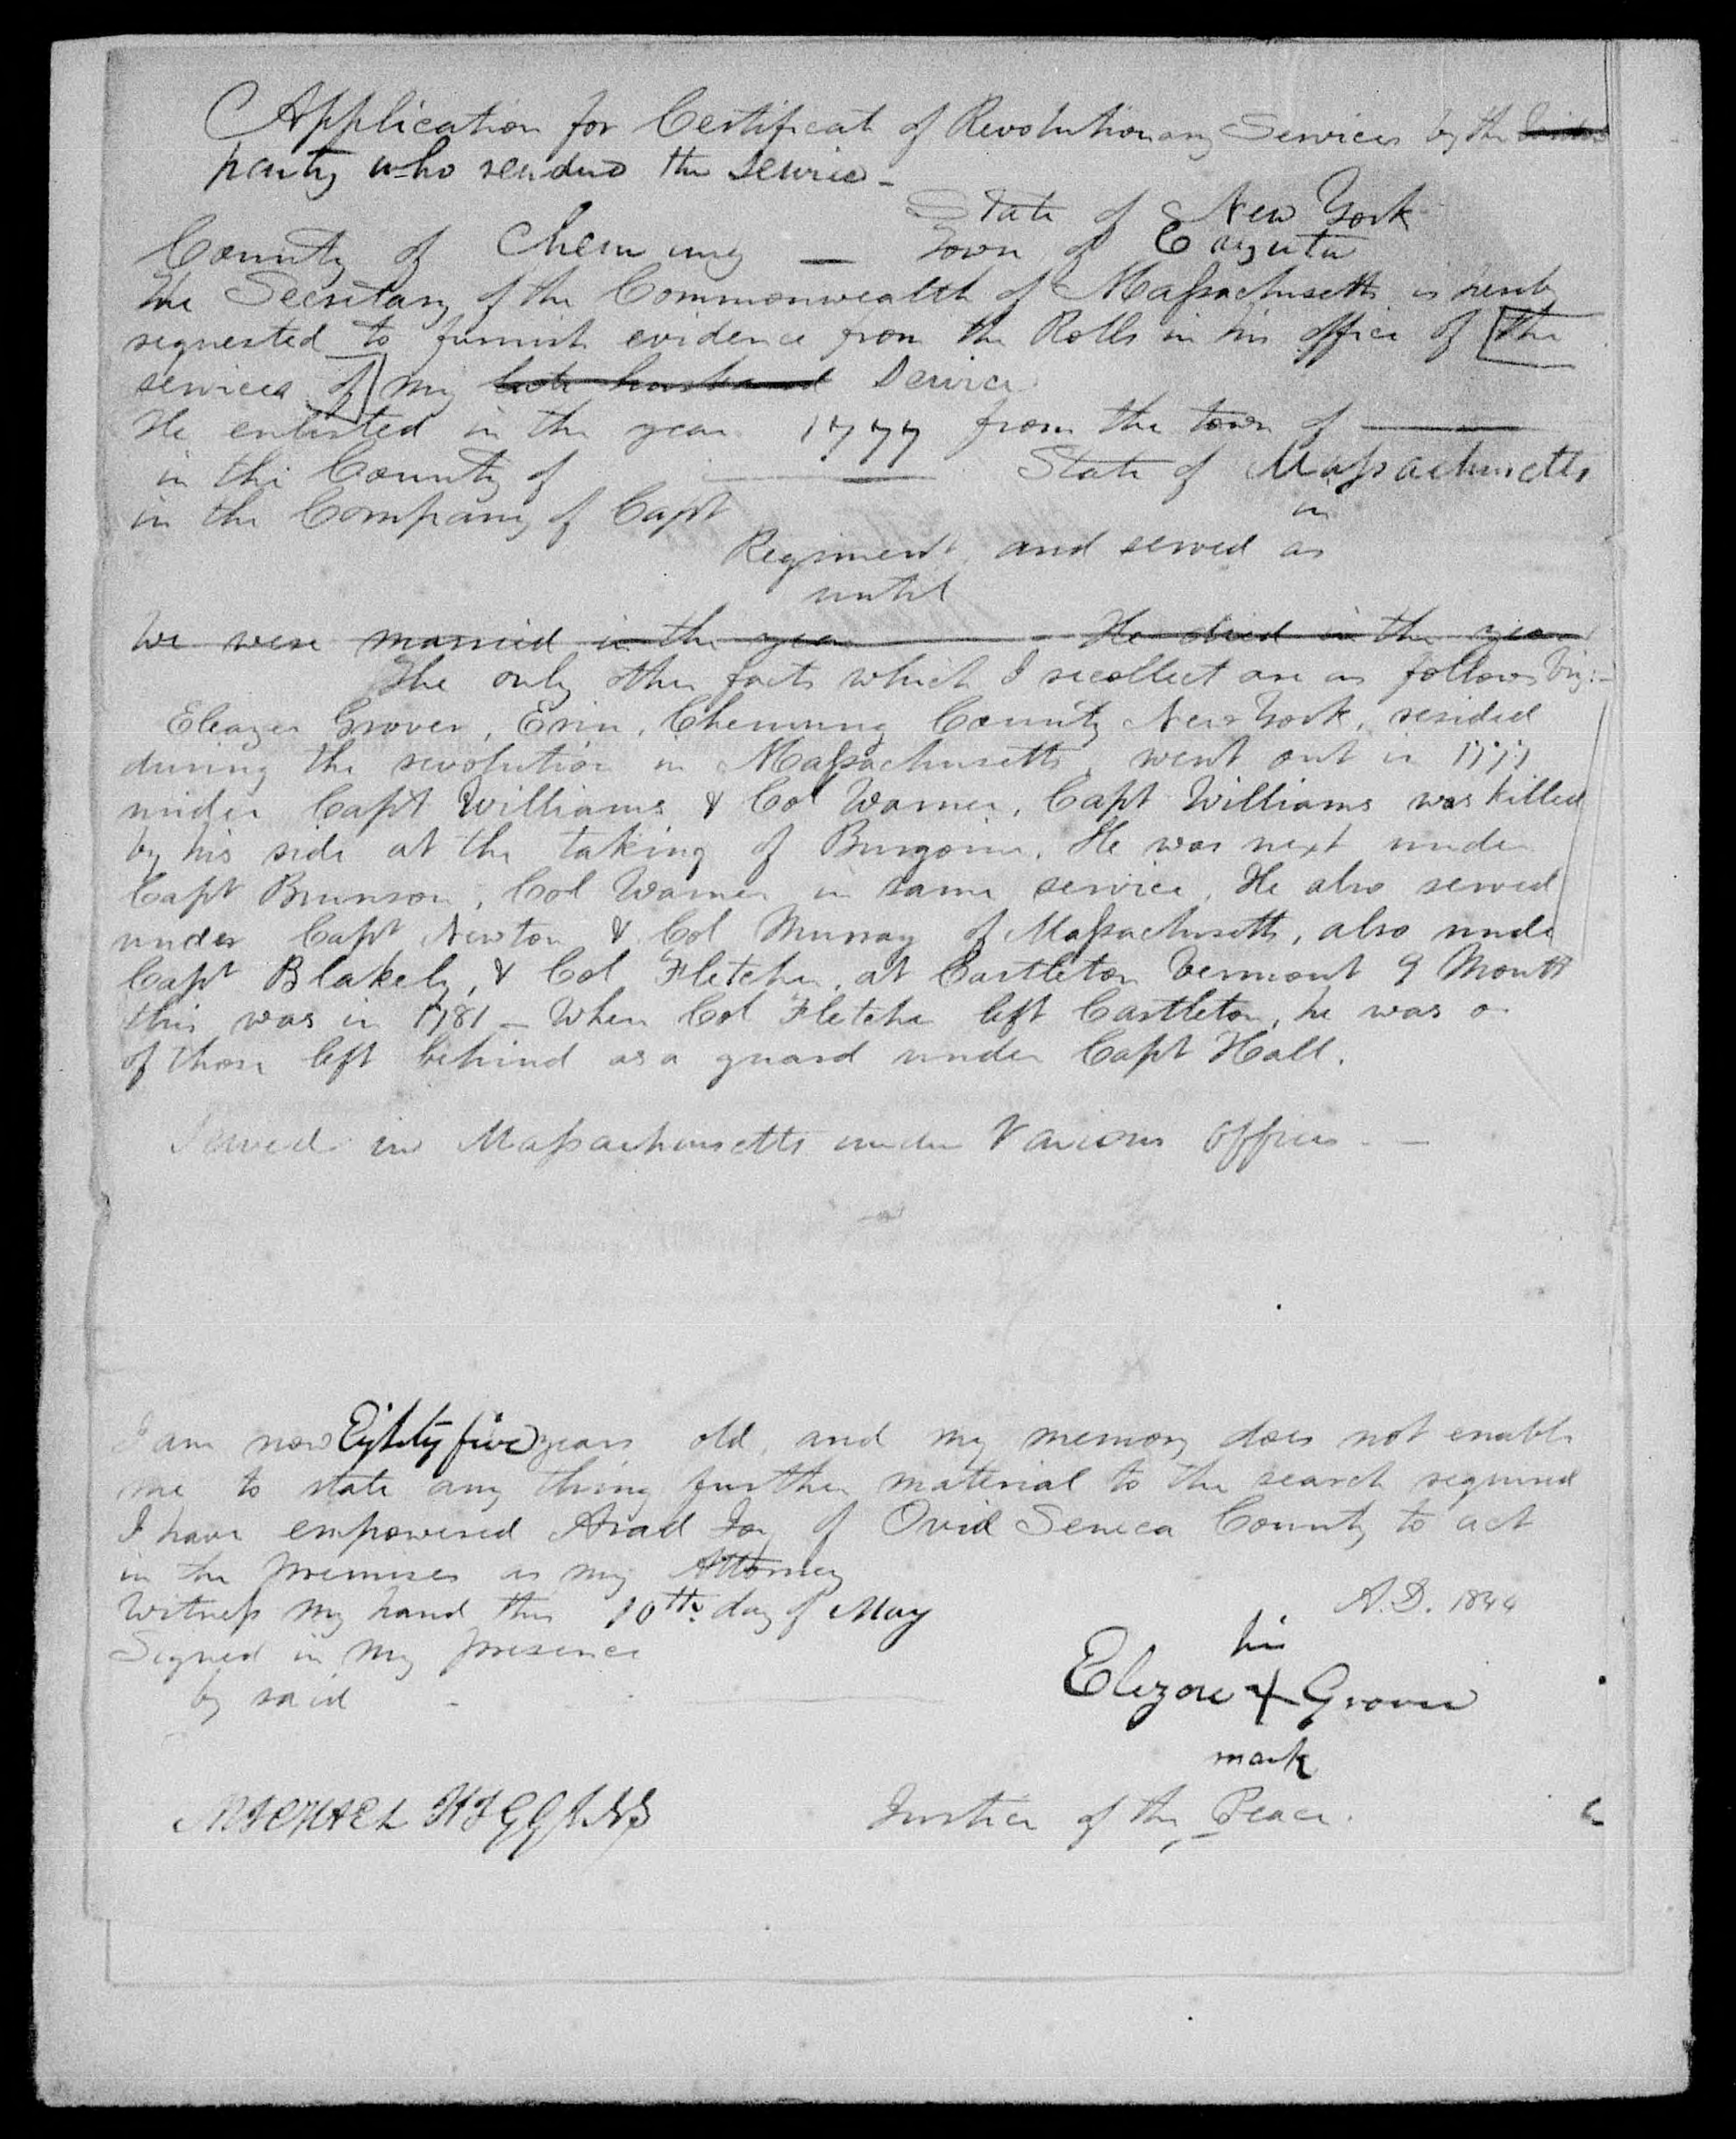Application for Certificate of Revolutionary Services by the ['Services' crossed out] party who rendered the service - 
State of New York
County of Chemung - Town of Cayuta 
The Secretary of the Commonwealth of Massachusetts is hereby requested to furnish evidence from the Rolls in his office of the services of my ['late husband' crossed out] service.
He enlisted in the year 1777 from the town of [blank] in the County of [blank] State of Massachusetts in the Company of Capt [blank] in [blank] Regiment and served as [blank] until [blank]
['We were married in the year [blank] He died in the year [blank]' crossed out] the only other facts which I recollect are as follows viz: during the revolution in Massachusetts, went out in 1777 under Capt Williams & Col Warner, Capt Williams was killed by his side at the taking of Burgoine (Burgoyne) He was next under Capt Brownson, Col Warner in same service. He also served under Capt Newton & Col Murray of Massachusetts, also under Capt Blakely, & Col Fletcher, at Castleton Vermont 9 Months this was in 1781 - When Col Fletcher left Castleton, he was one of them left behind as a guard under Capt Hall. 
Served in Massachusetts under various officers. - 
I am now Eighty five years old, and my memory does not enable me to state any thing  further material to the search required I have empowered Arad Joy of Ovid Seneca County to act in the premises as my attorney.
/s/X his mark Eleazer Grover 
Witness my hand this 10th day of May A.D. 1844
Signed in my presence by said 
/s/MICHAEL HIGGINS Justice of the Peace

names: Blakely, Elezore Grover, Warner, Eleazer Grover, Hall, Williams, Fletcher, Murray, Burgoine, Newton, Castleton, Williams, Fletcher, Brunson, Michael Higgins, Arad Joy, Warner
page: 21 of 43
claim: survivor's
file: S. 28748, Eleazer Grover, Continental Mass. Vt.